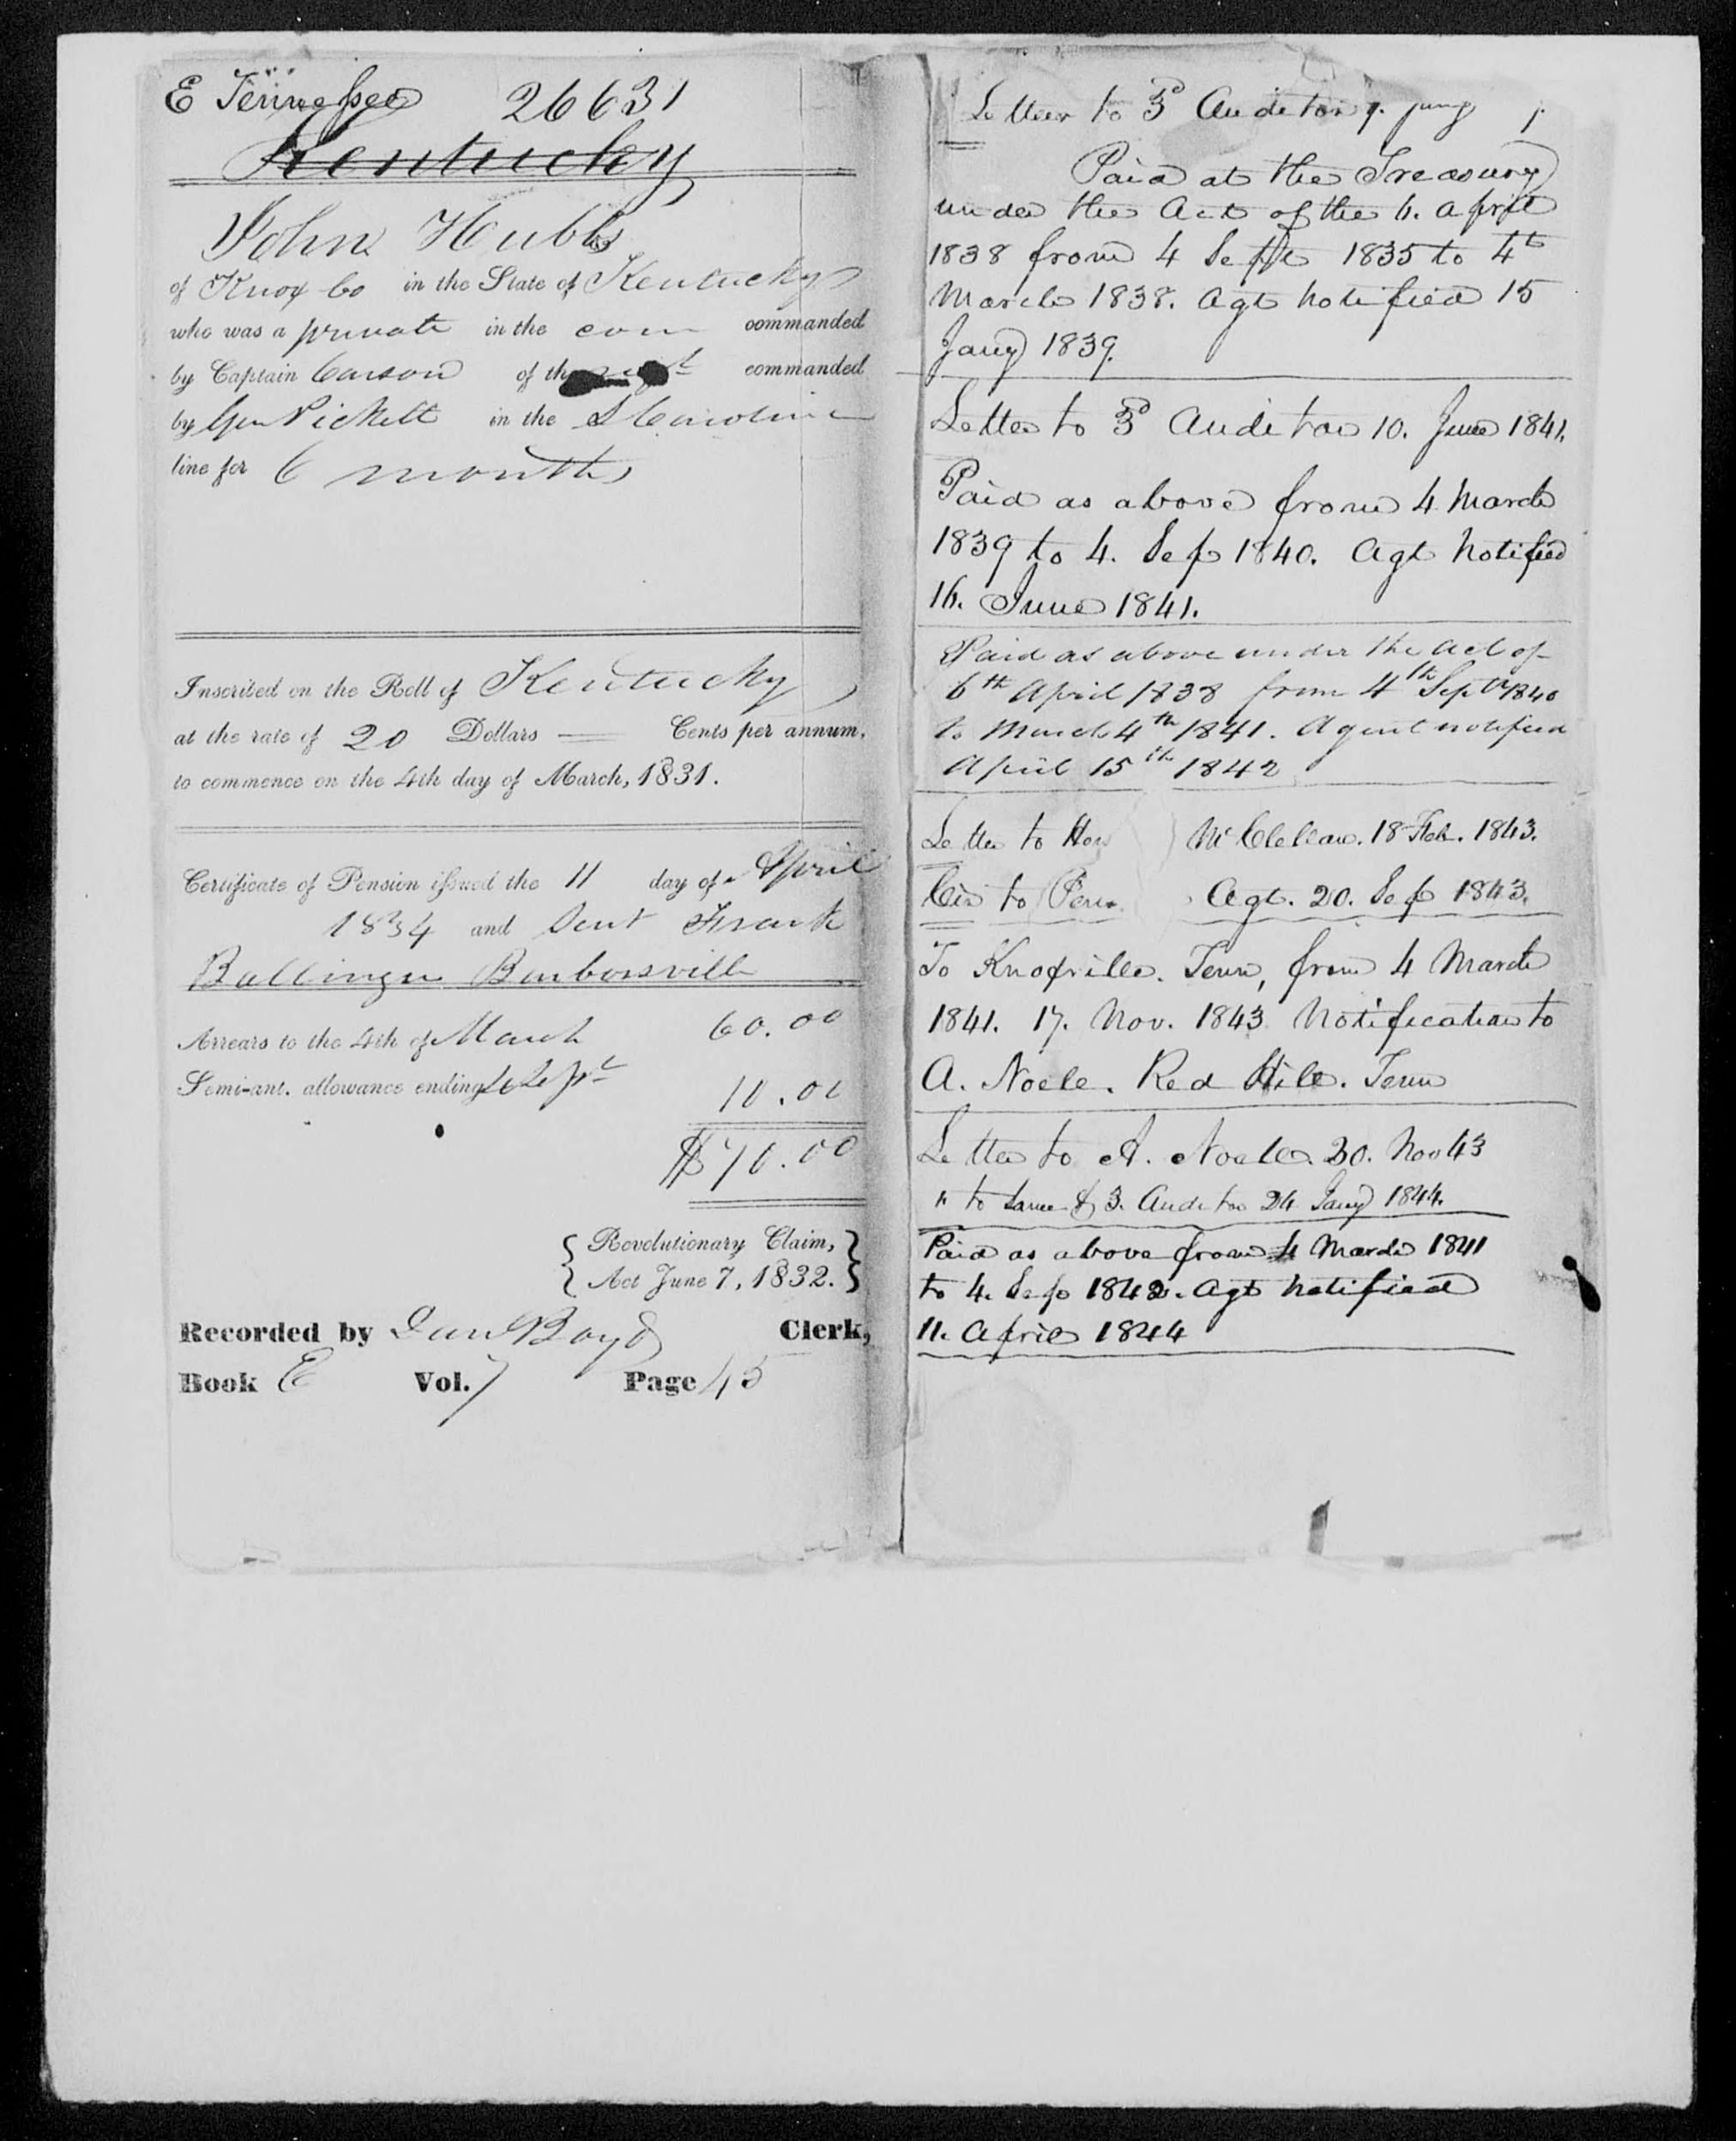[left side]

E Tennessee
26631
South Carolina ,
________________________________________
John Hubbs
of Knox Co in the State of Kentucky
who was a Private in the Com commanded
by Captain  Carson of the regt commanded
by Gen Pickett  in the S Carolina 
line for 6 months.
====================================
Inscribed on the Roll of Kentucky
at the rate of 20 Dollars ==== Cents per annum,
to commence on the 4th day of March, 1831.
===================================
Certicate of Pension issued the 11 day of April
1834 & sent  and Frank 
Ballinger [illegible]
===================================
Arrears to the 4th of March 1841                        60 00
Semi-annual allowance ending Sept                  10 00
                                                                                    =====
                                                                                     $70 00
{Revolutionary Claim,}
{Act June 7, 1832.}

Recorded by Danl Boyd, Clerk,
Book E. Vol 7, Page 45

[Right side]

Letter to 3rd Auditor [illegible]
====
Paid at. the Treasury
under the act of the 6. April
1838 from 4 sept 1835 to 4th
March 1838.  Agt notified 15
Jany 1839.
___________________________
Letter to 3rd Auditor 10. June 1841.
Paid as above from 4 March 
1839 to 4 Sp 1840. Agt Notified
16 June 1841.
____________________________
Paid as above under the act of
6th April 1838 from 4th Sept 1840
to March 4th 1841.  Agent  notified
April 15th 1842
__________________________
Letter to Hon Mc Clellan. 18 Feb. 1843.
===
let to Pen [illegible - page torn] Agt . 20. Sept 1843.
=== ______________________________________
To Knoxville Tenn, From 4 March
1841. 17. Nov. 1843 Notification to 
A Noell. Red Hill Tenn
__________________________________________
Letter to A Noell 30. Nov 43
to [illegible] & 3. Auditor 24 Jany 1844.
__________________________________________
Paid as above from 4 March 1841
to 4 Sep 1842. Agt notified
11 April 1844
__________________________________________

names: Carson, John Hubbs, Frank Ballinger, Danl Boyd, Mc Clellan, Pickett, A Noell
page: 2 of 86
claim: widow's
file: W. 1035, John Hubbs, S.C.